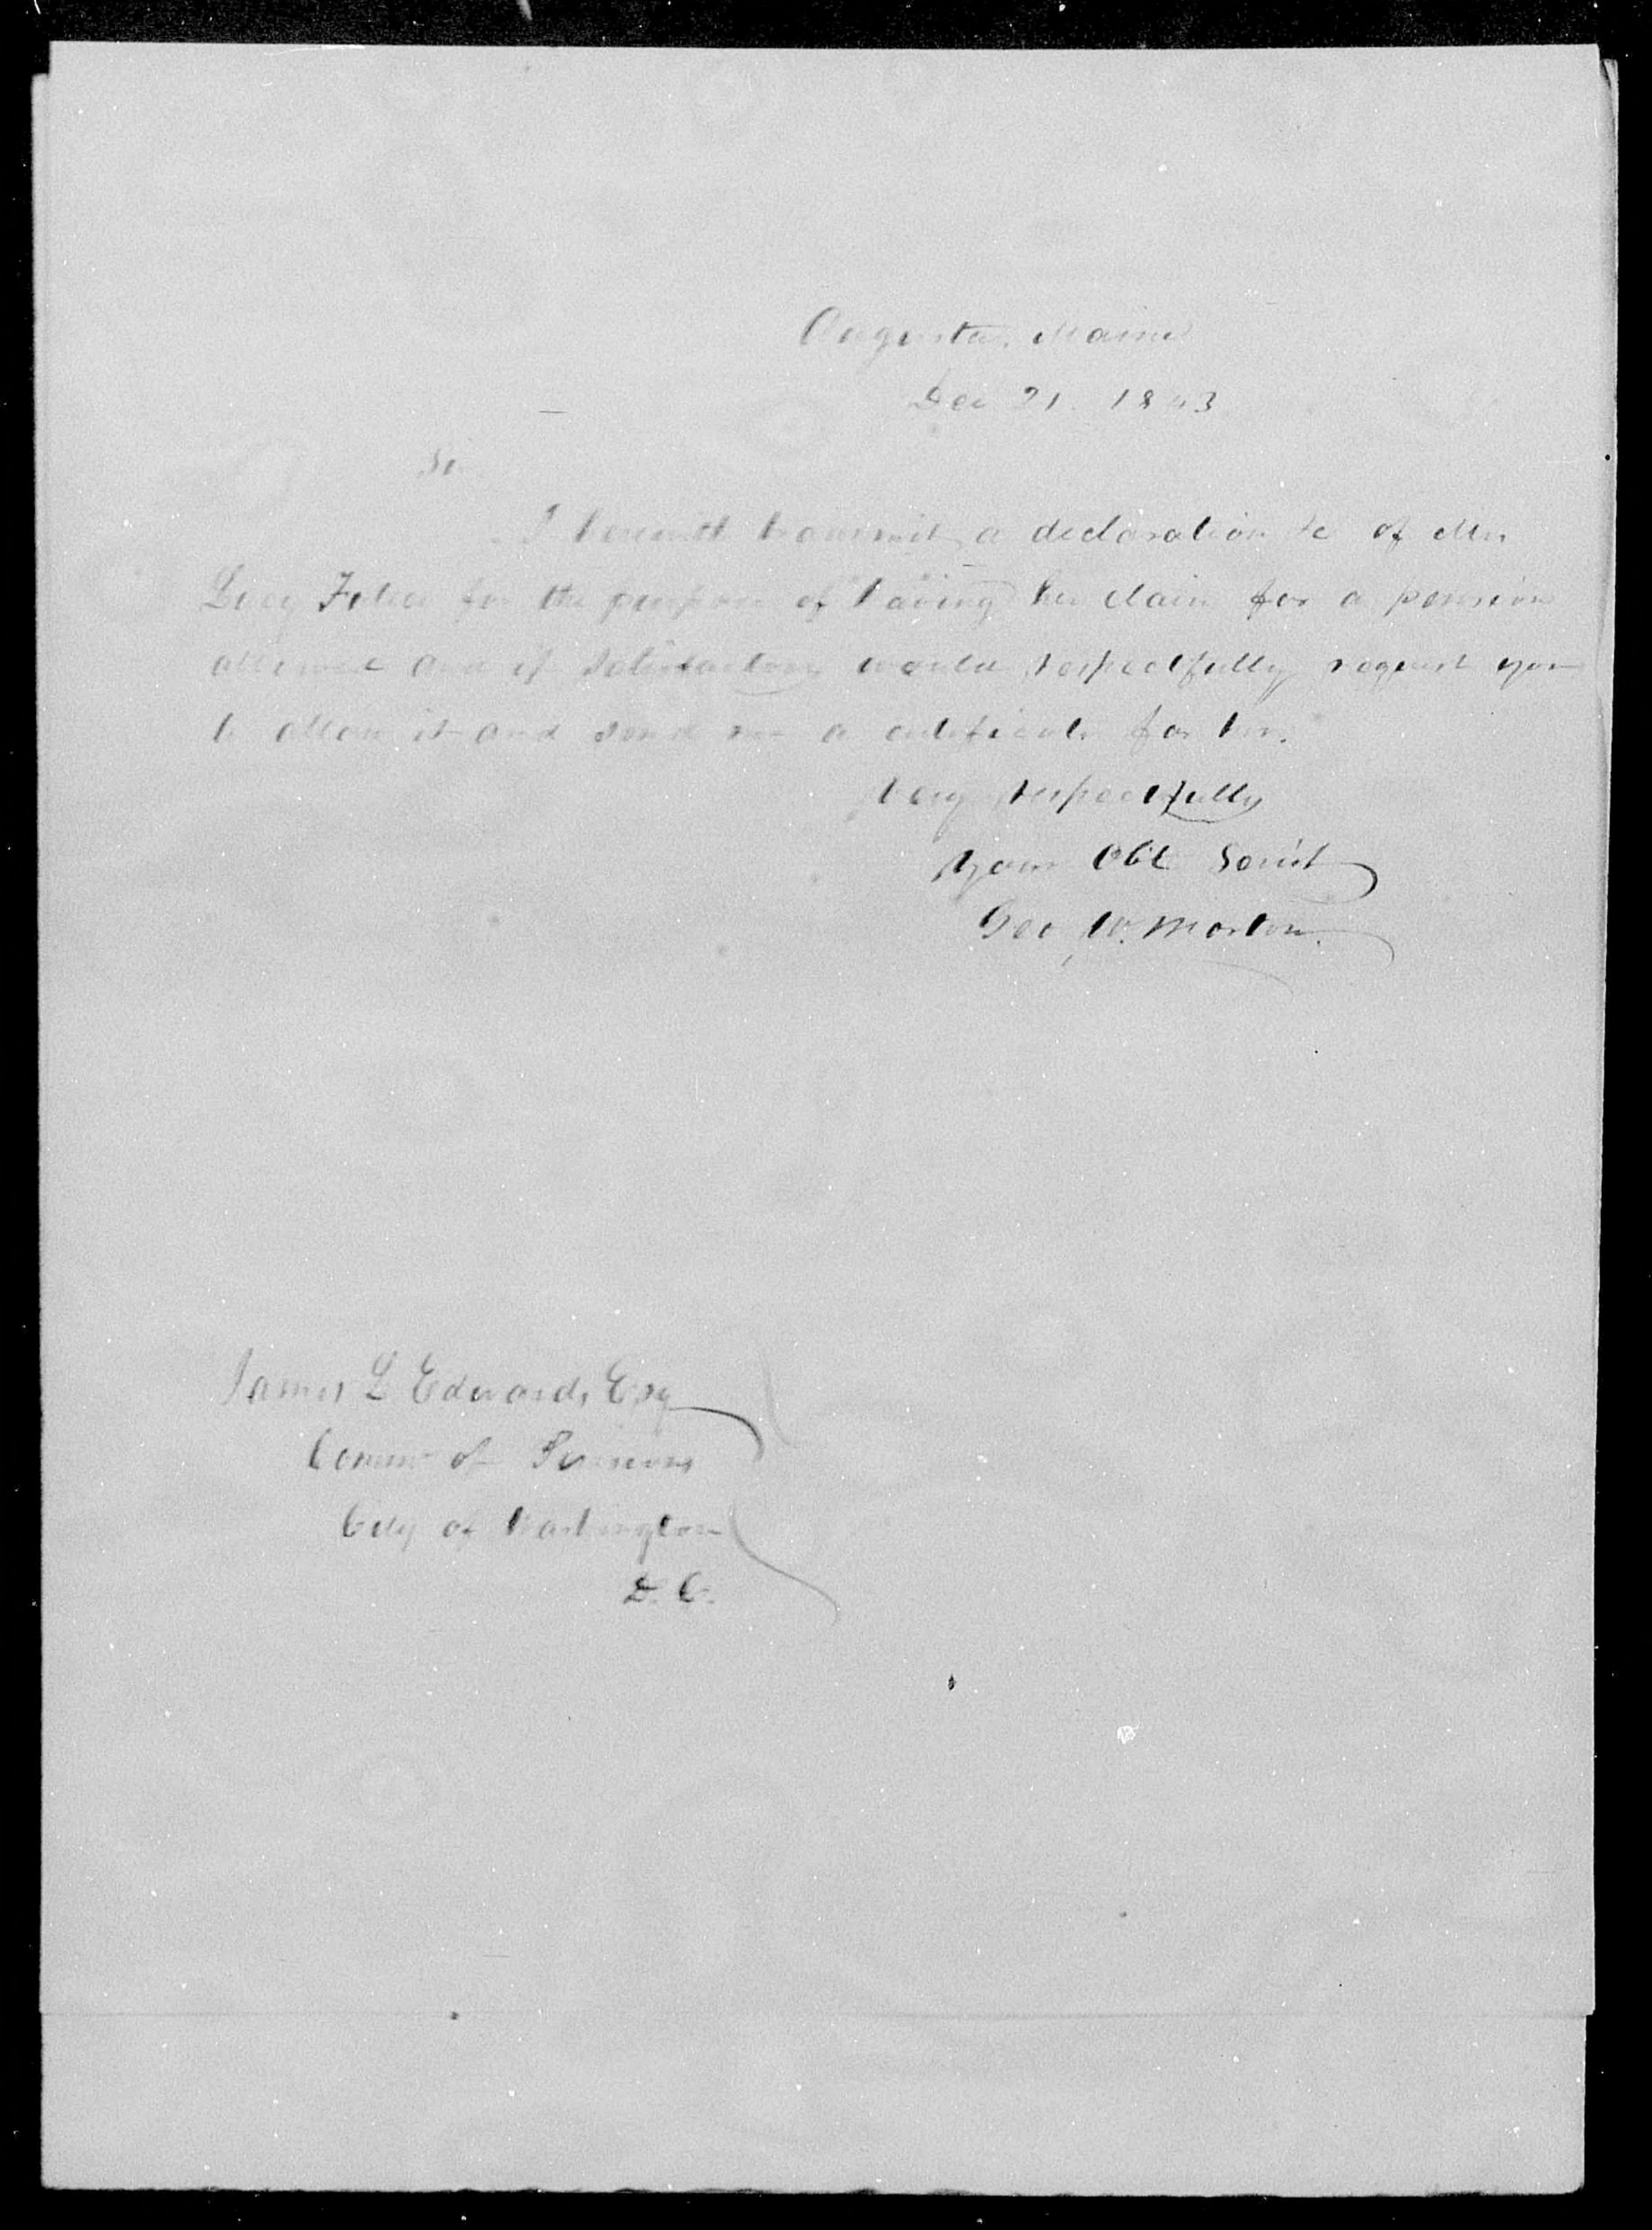Augusta, Maine
Dec 21, 1843
Sir,
I herewith commit a declaration &c [etc.] of Mrs. Lucy Fuller for the purpose of having her claim for a pension allowed and if satisfactory would respectfully request you to allow it and send me a certificate for her.
Very respectfully
Your Ob’t Servant
Geo W. Morton

James L Edward, Esq
Comm. of Pensions
City of Washington
D.C.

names: Lucy Fuller, James L Edwards, Geo W Morton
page: 21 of 45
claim: widow's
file: W. 17933, William Fuller, Mass